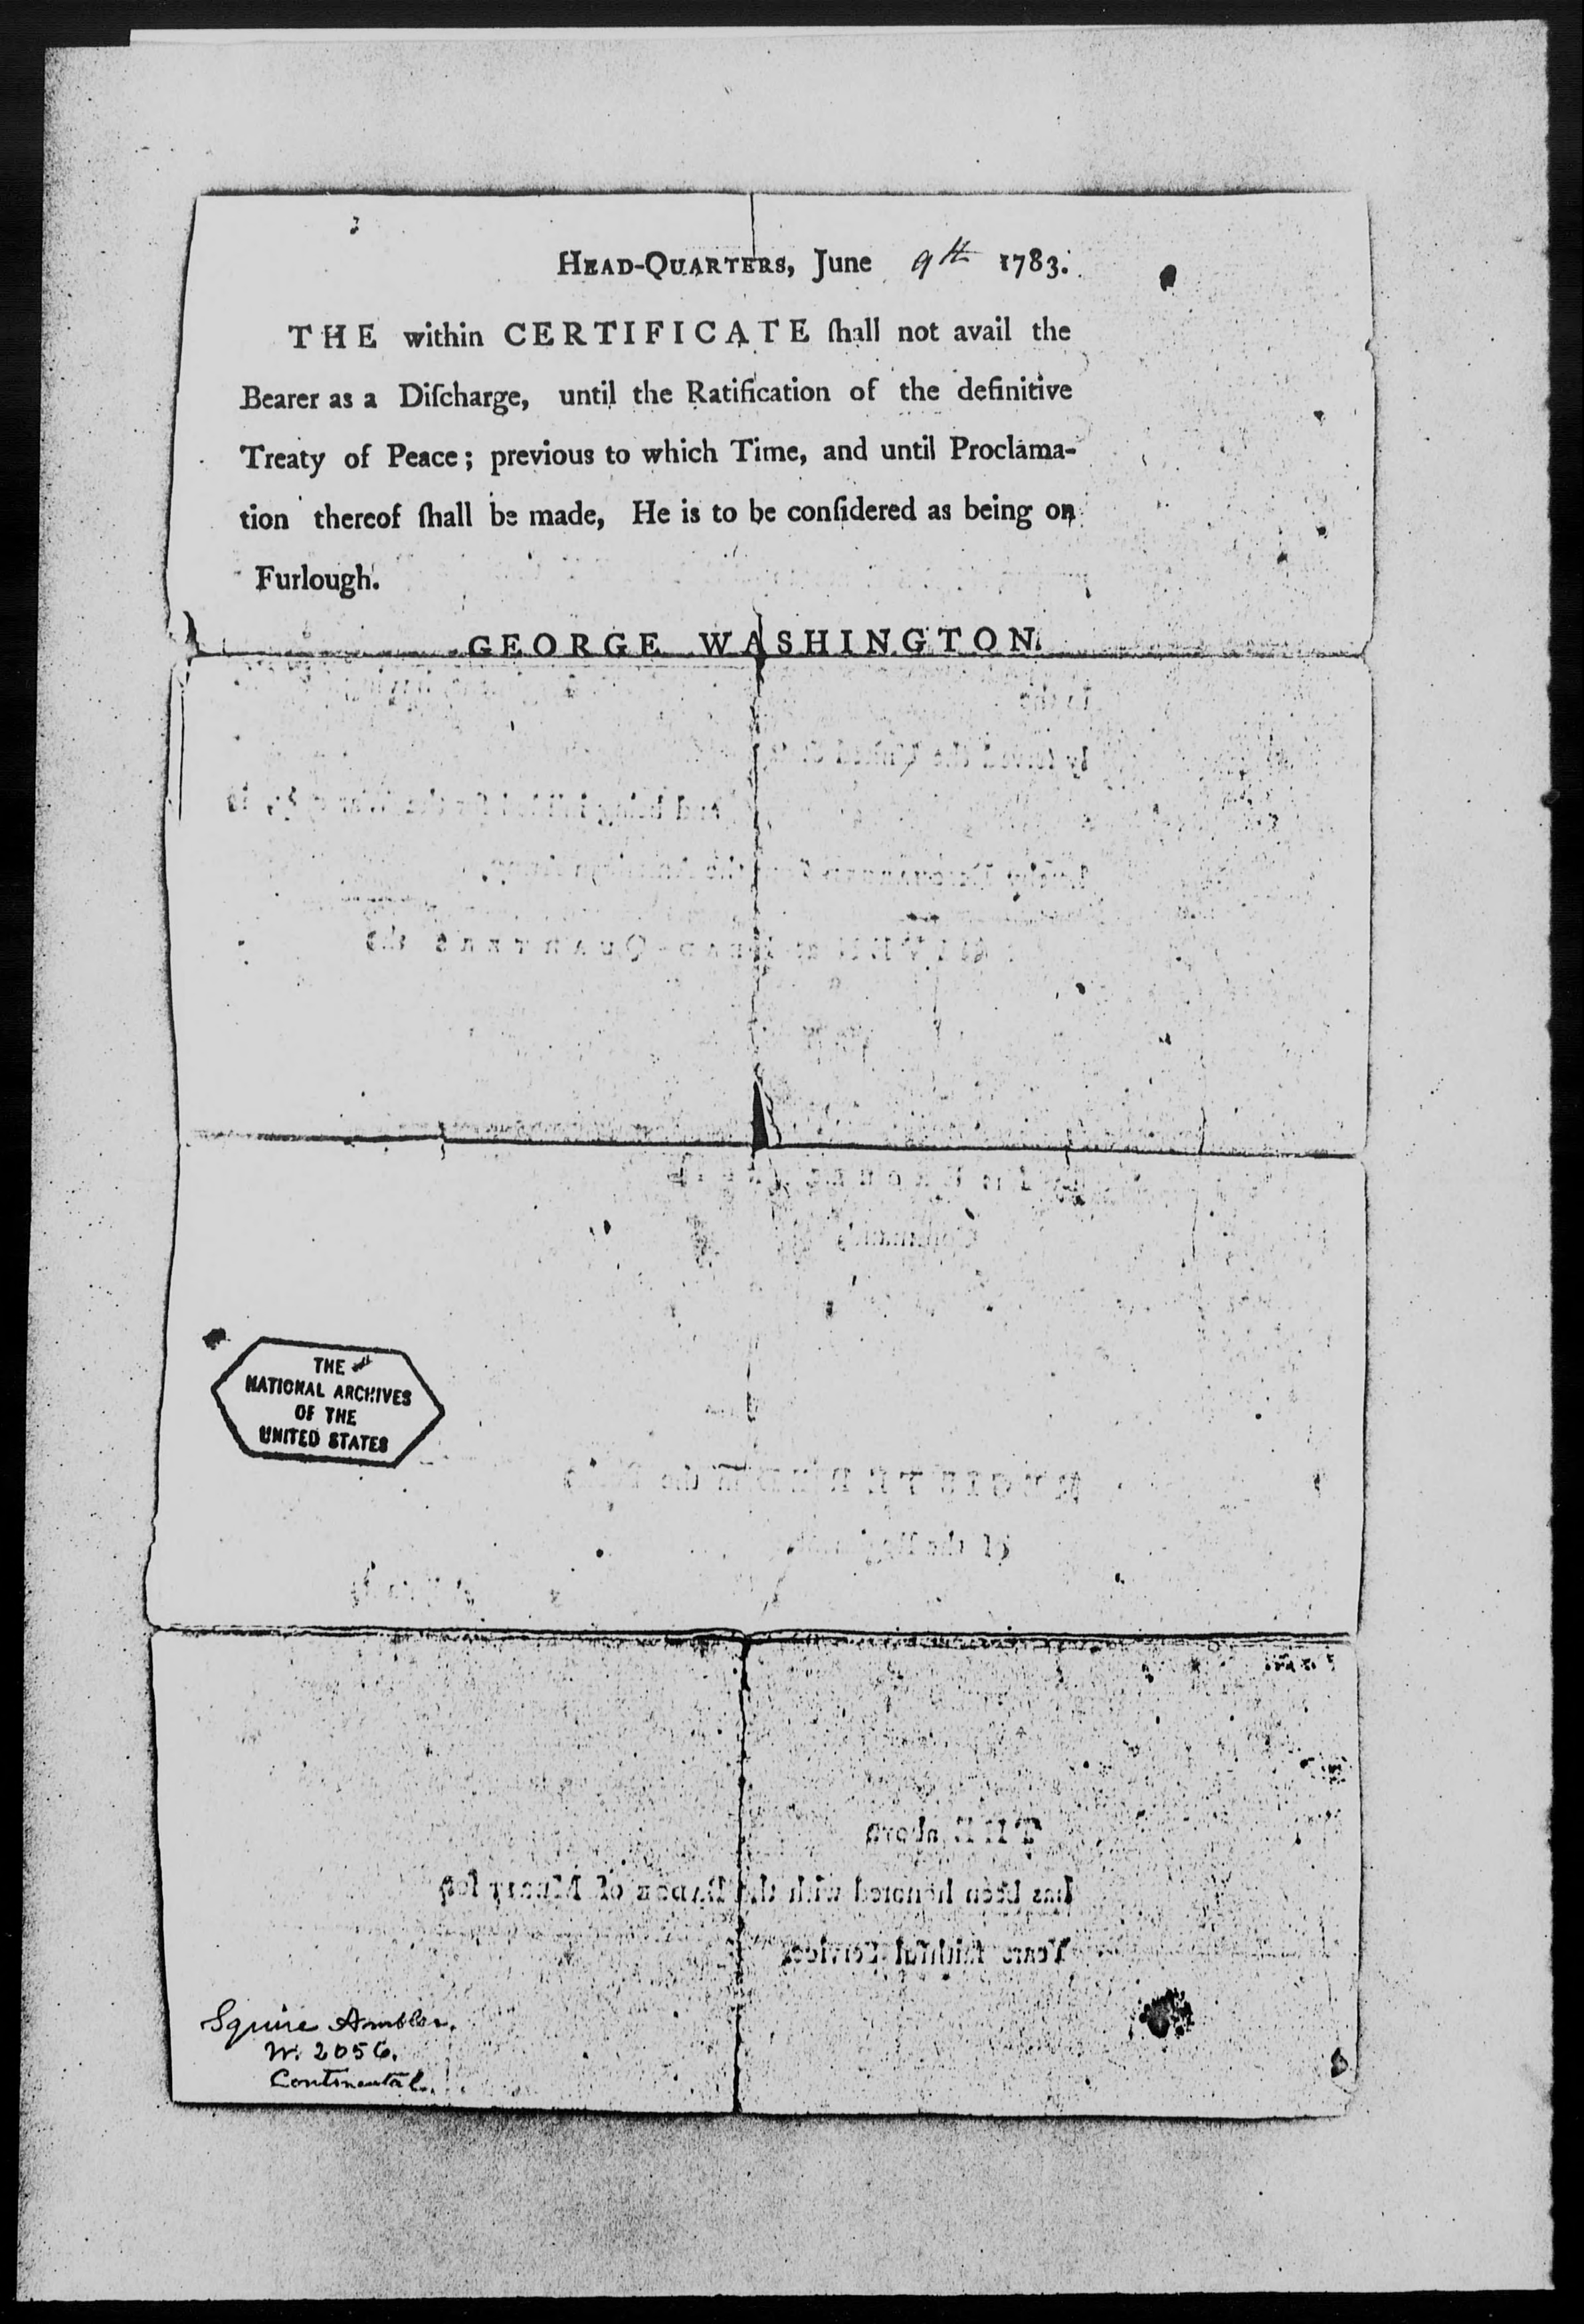Head-Quarters, June 9th 1783.
THE within CERTIFICATE shall not avail the
Bearer as a Discharge, until the Ratifications of the definitive
Treaty of Peace; previous to which Time, and until Proclamation
thereof shall be made, He is to be considered as being on
Furlough.
GEORGE WASHINGTON
THE NATIONAL ARCHIVES OF THE UNITED STATES
Squire Ambler.
W. 2056,
Continental.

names: Squire Ambler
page: 3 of 39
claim: widow's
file: W. 2,056, Squire Ambler, Continental (Sol. Res. In N.Y. & Conn.)